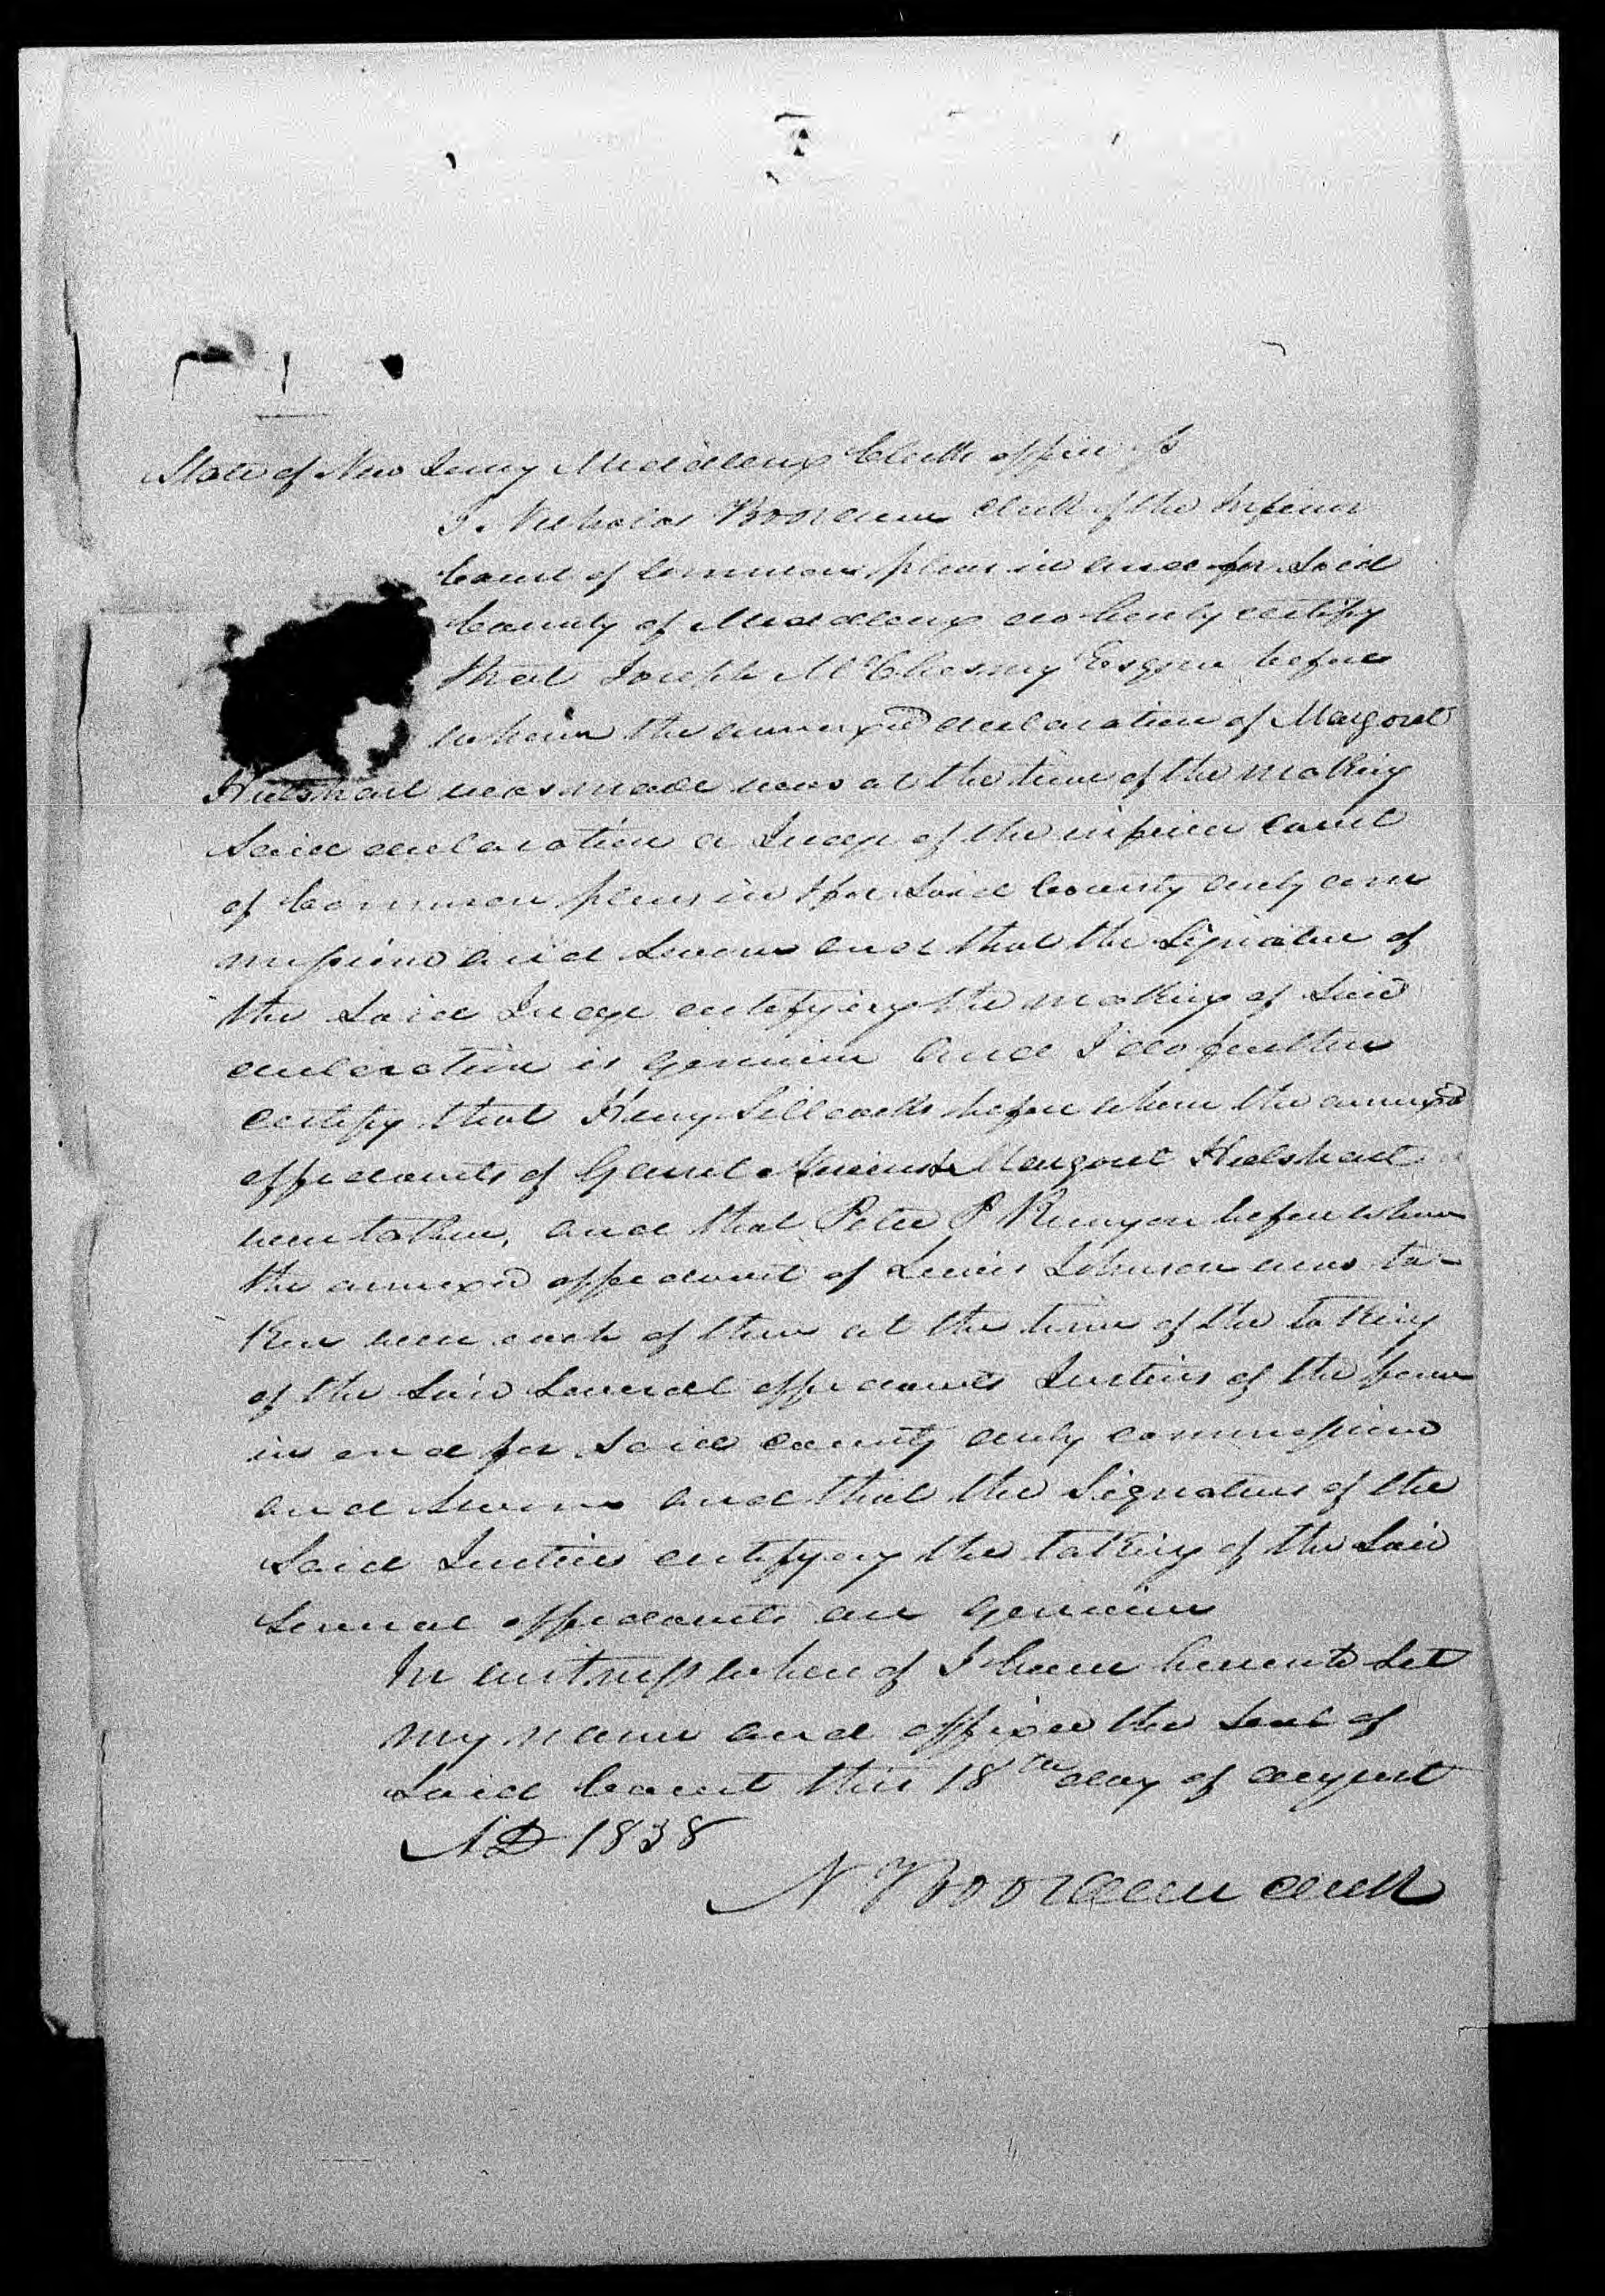State of New Middlesex Clerks office SS
I Nicholas Booraem Clerk of the Inferior Court of Common pleas in and for said County of Middlesex do hereby certify that Joseph McChesney Esqr before wherein the annexed declaration of Margaret Hulshart was made
and was at the time of the making said 
declaration a Judge of the inferior Court of Common pleas in and for said County duly commissioned and sworn and that the signature of the said Judge certifying the making of said
declaration is Genuine And I do further certify 
that Henry Sillcocks before whom the annexed applicants of Garret Herris & Margaret Hulshart were taken, and that Peter P. Runyon before  whom the annexed affidavit of Lewis Johnson was taken each of them at the time of the taking of the said several applicants Justices of the Peace in and for said County duly commissioned and sworn and that the  signatures of the said Justices certifying the taking of the said several applicants are genuine

In witness whereof I have hereunto set
my name and affixed the seal of
said Court this 18th day of August
AD 1838
N Booraem Clerk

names: Henry Sillcocks, Margaret Hulshart, Lewis Johnson, Nicholas Booraem, Peter P Runyon, Joseph Mc Chesney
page: 19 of 34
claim: widow's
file: W. 940, John Hulshart, New Jersey